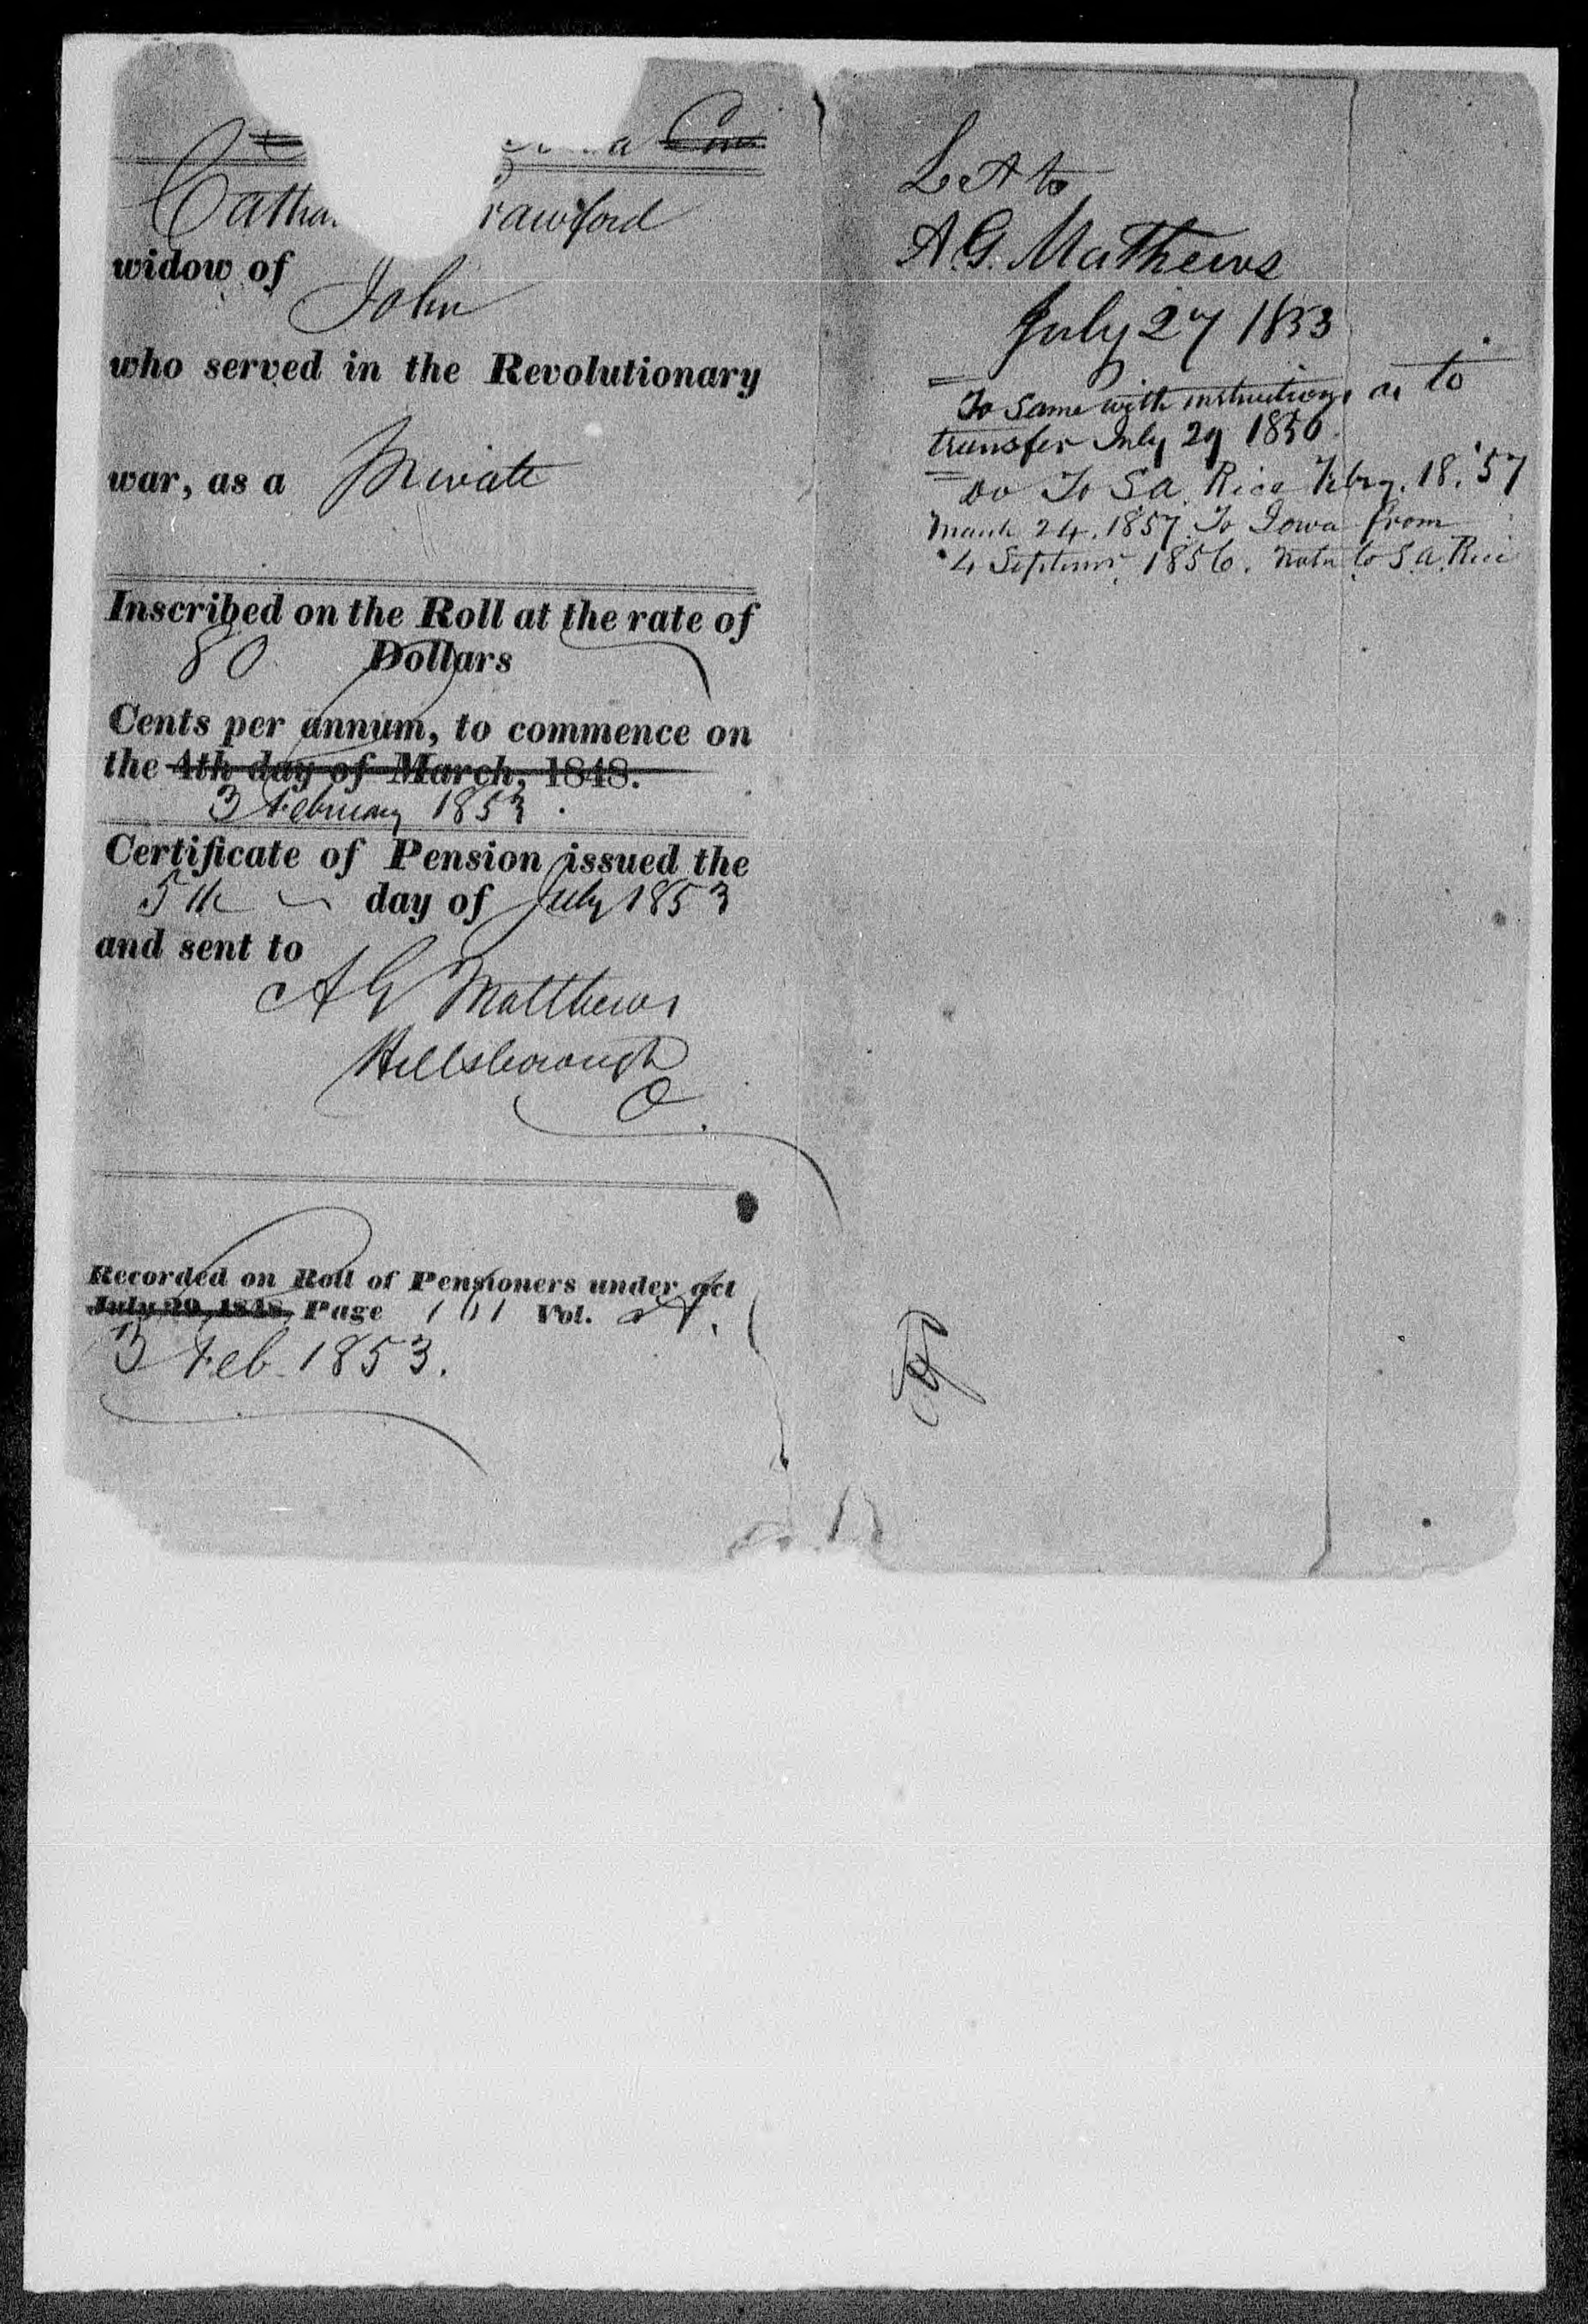Catharine Crawford, widow of John
who served in the Revolutionary war as a private, Inscribed on the Roll at the rate of 80
Dollars, 0 Cents per annum, to commence on
the 3 February 1853, Certificate of Pension issued the 5th day of July, 1853, and sent to
AW Matthews, Hillsborough, Ohio.
Recorded on Roll Pensioners under Act 3 Feb 1853, page 161, Vol. A

Letter to A. G. Mathews, July 27, 1853
to same with instruction as to transfer July 29,1856
Do to S.A Rice, February 18, 1857
March 24, 1857. to Iowa from
4 September 1856. Note to S. Rice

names: John Crawford, A G Matthews, Crawford, S A Rice, A G Mathews, S A Rice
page: 32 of 80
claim: widow's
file: W 2070, John Crawford, Penn.